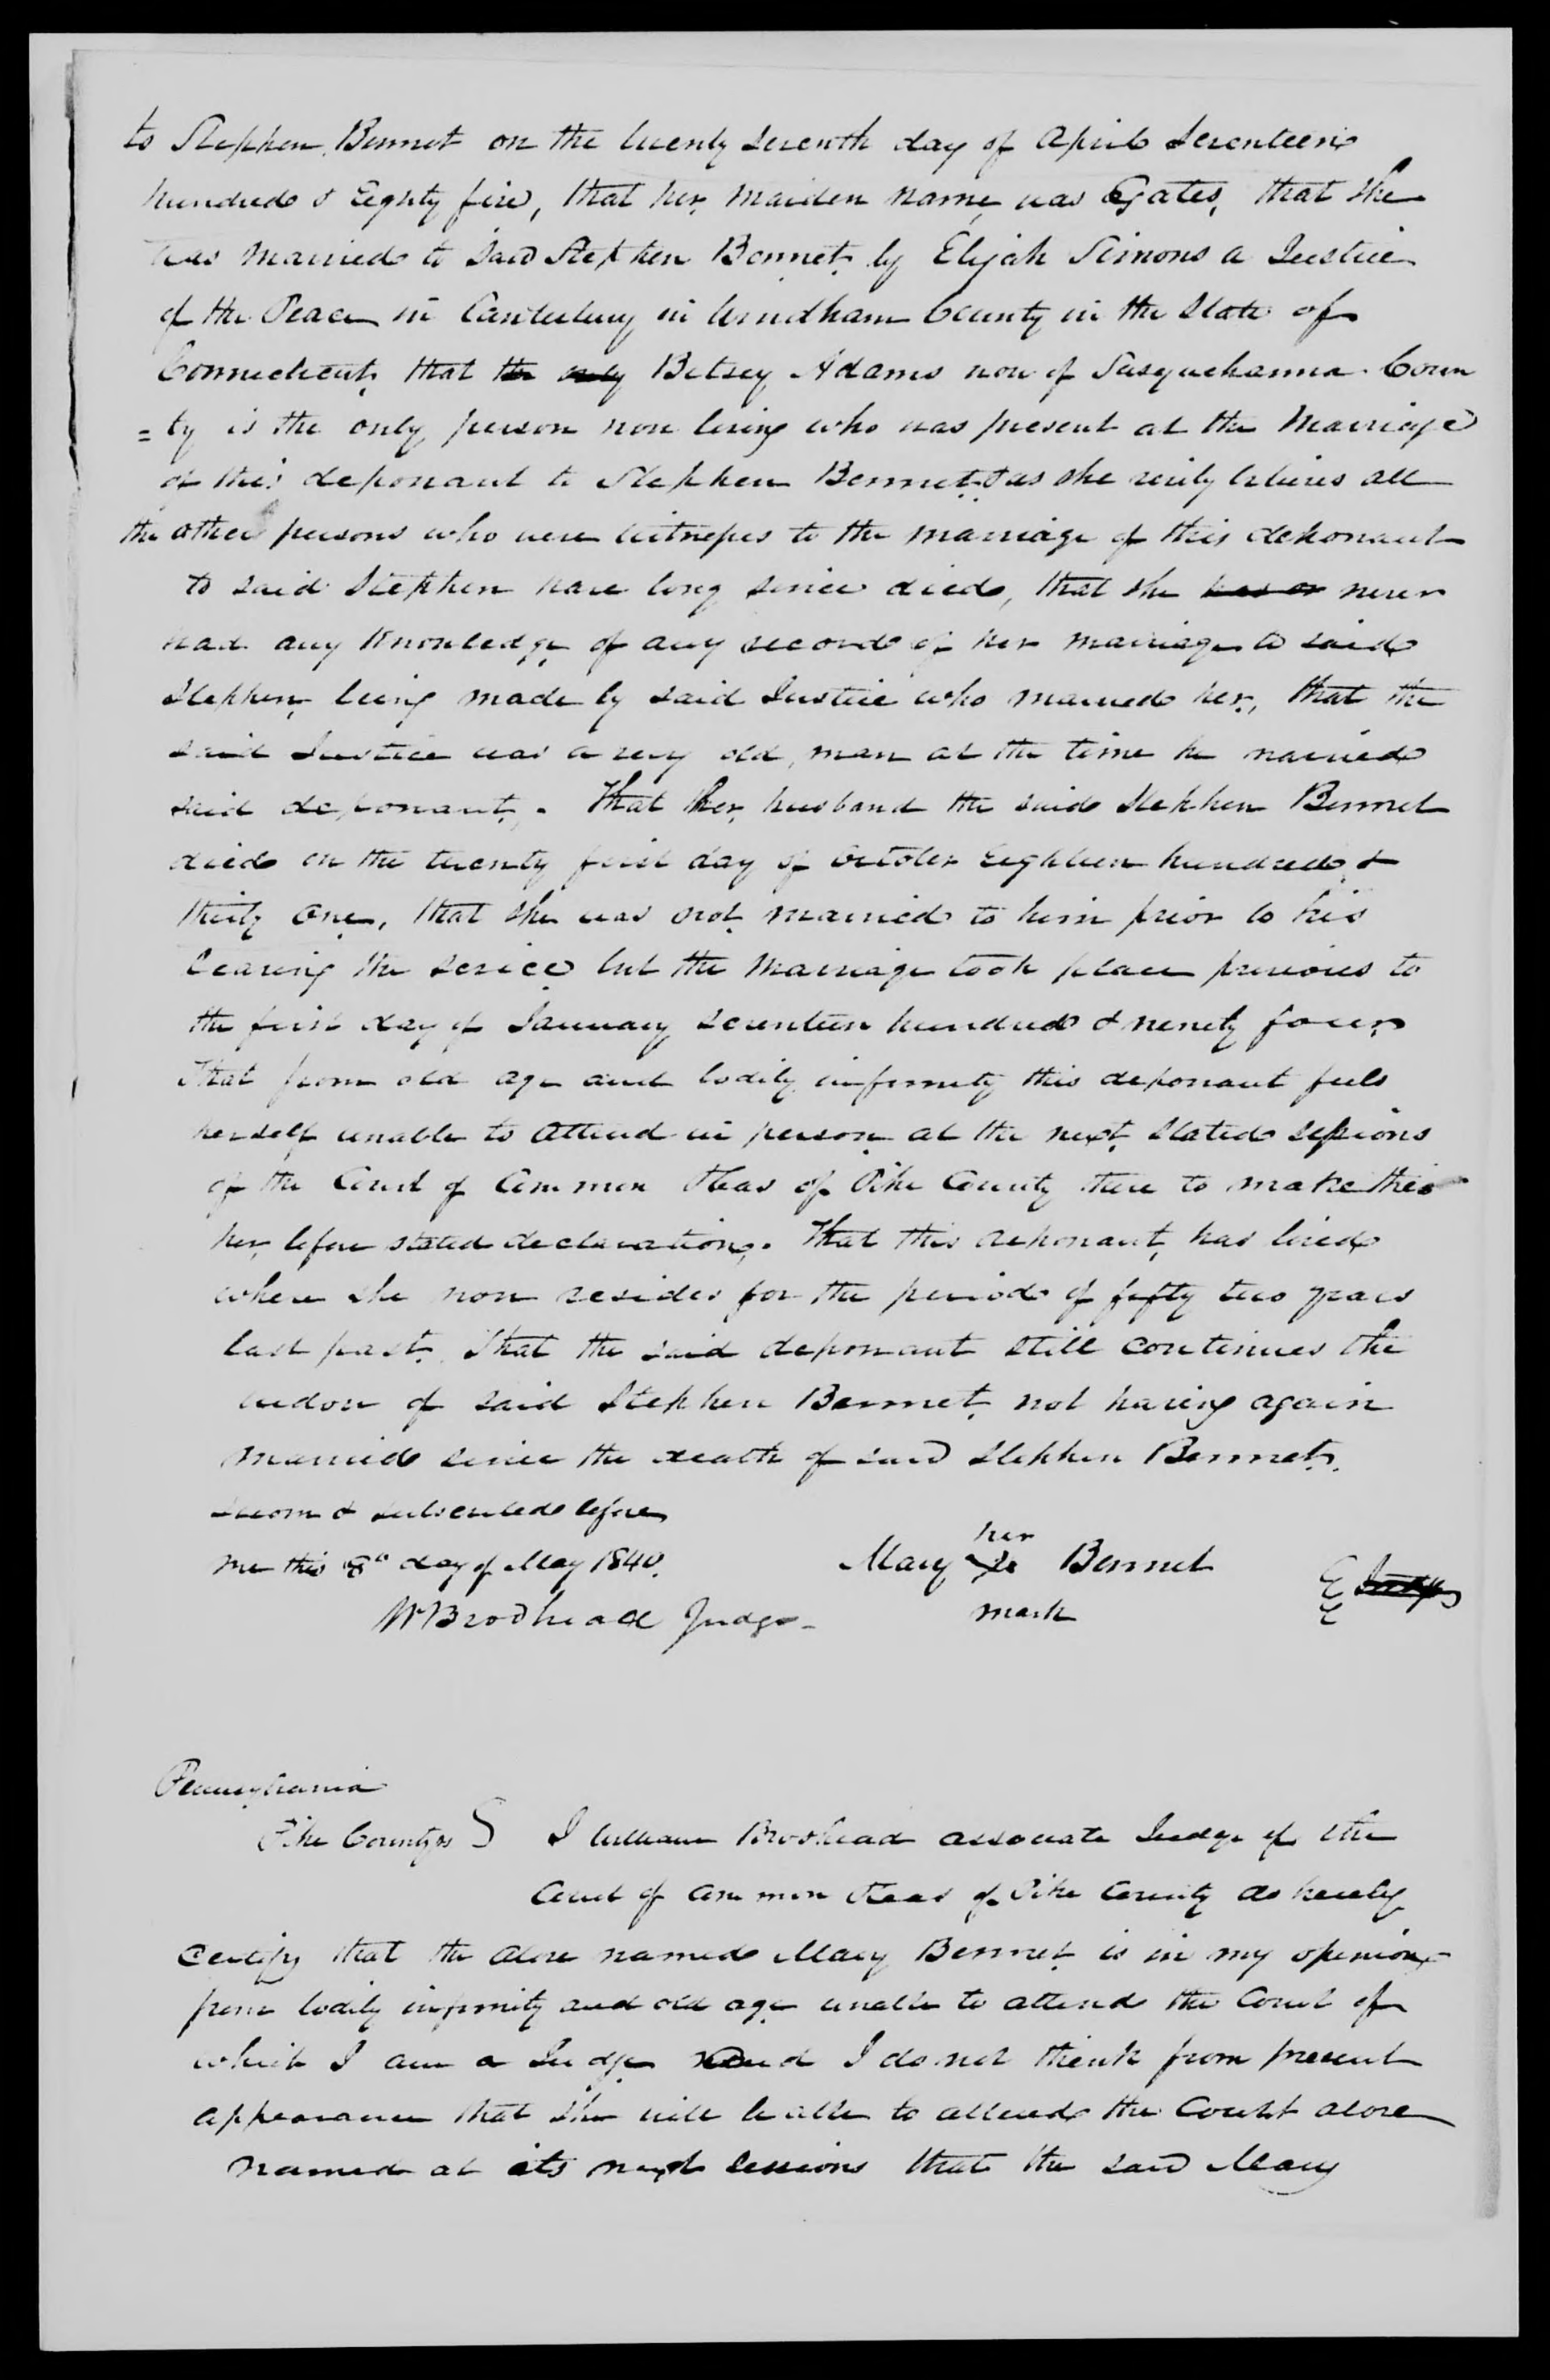to Stephen Bennet on the twenty seventh day of April seventeen
hundred + eighty five, that her maiden name was Gates, that she
was married to said Stephen Bennet by Elijah Simons a Justice
of the Peace in Canterbury in Windham County in the state of
Connecticut that Betsy Adams now of Susquehanna County
is the only person now living who was present at the marriage
of the deponent to Stephen Bennet + as she verily believes all
the other persons who were witnesses to the marriage of this deponent
to said Stephen have long since died that she never
had any knowledge of any records of her marriage to said
Stephen being made by said Justice who married her. That the
said Justice was a very old man at the time he married
said deponent.  That her husband the said Stephen Bennet
died on the twenty first day of October eighteen hundred +
thirty one. That she had not married to him prior to his
leaving the service but the marriage took place previous to
the first day of January seventeen hundred ninety four
That from old age and bodily infirmity this deponent feels
herself unable to attend in person at the next slated sessions
of the Court of Common Pleas of Pike County the to make this
her before stated declaration. That this Deponant has lived
where she now reside for the period of fifty two years
last past. That the said deponent still continues the
widow of said Stephen Bennet, not having again
married since the death of said Stephen Bennet.
Sworn + subscribed before
me this 8th day of May 1840
W. Brodhead Judge
her
Mary Bennet
mark

Pennsylvania
Pike County
I William Brodhead associate Judge of the
Court of Common Pleas of Pike County do hereby
certify that the above named Mary Bennet is in my opinion
from bodily infirmity and old age unable to attend the Court of
which I am a Judge and I do not think from present
appearance that she will be able to attend the Court alone
named at its maybe sessions that the said Mary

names: Stephen Bennett, Stephen Bennet, Stephen Bennet, Stephen Bennet, Stephen, Stephen Bennet, Elijah Simons, Mary, W Brodhead, Stephen Bennet, Stephen, Mary Bennet, Stephen Bennet, Mary Bennet, William Brodhead, Betsey Adams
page: 27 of 79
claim: widow's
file: W. 2,906, Stephen Bennet, Conn.